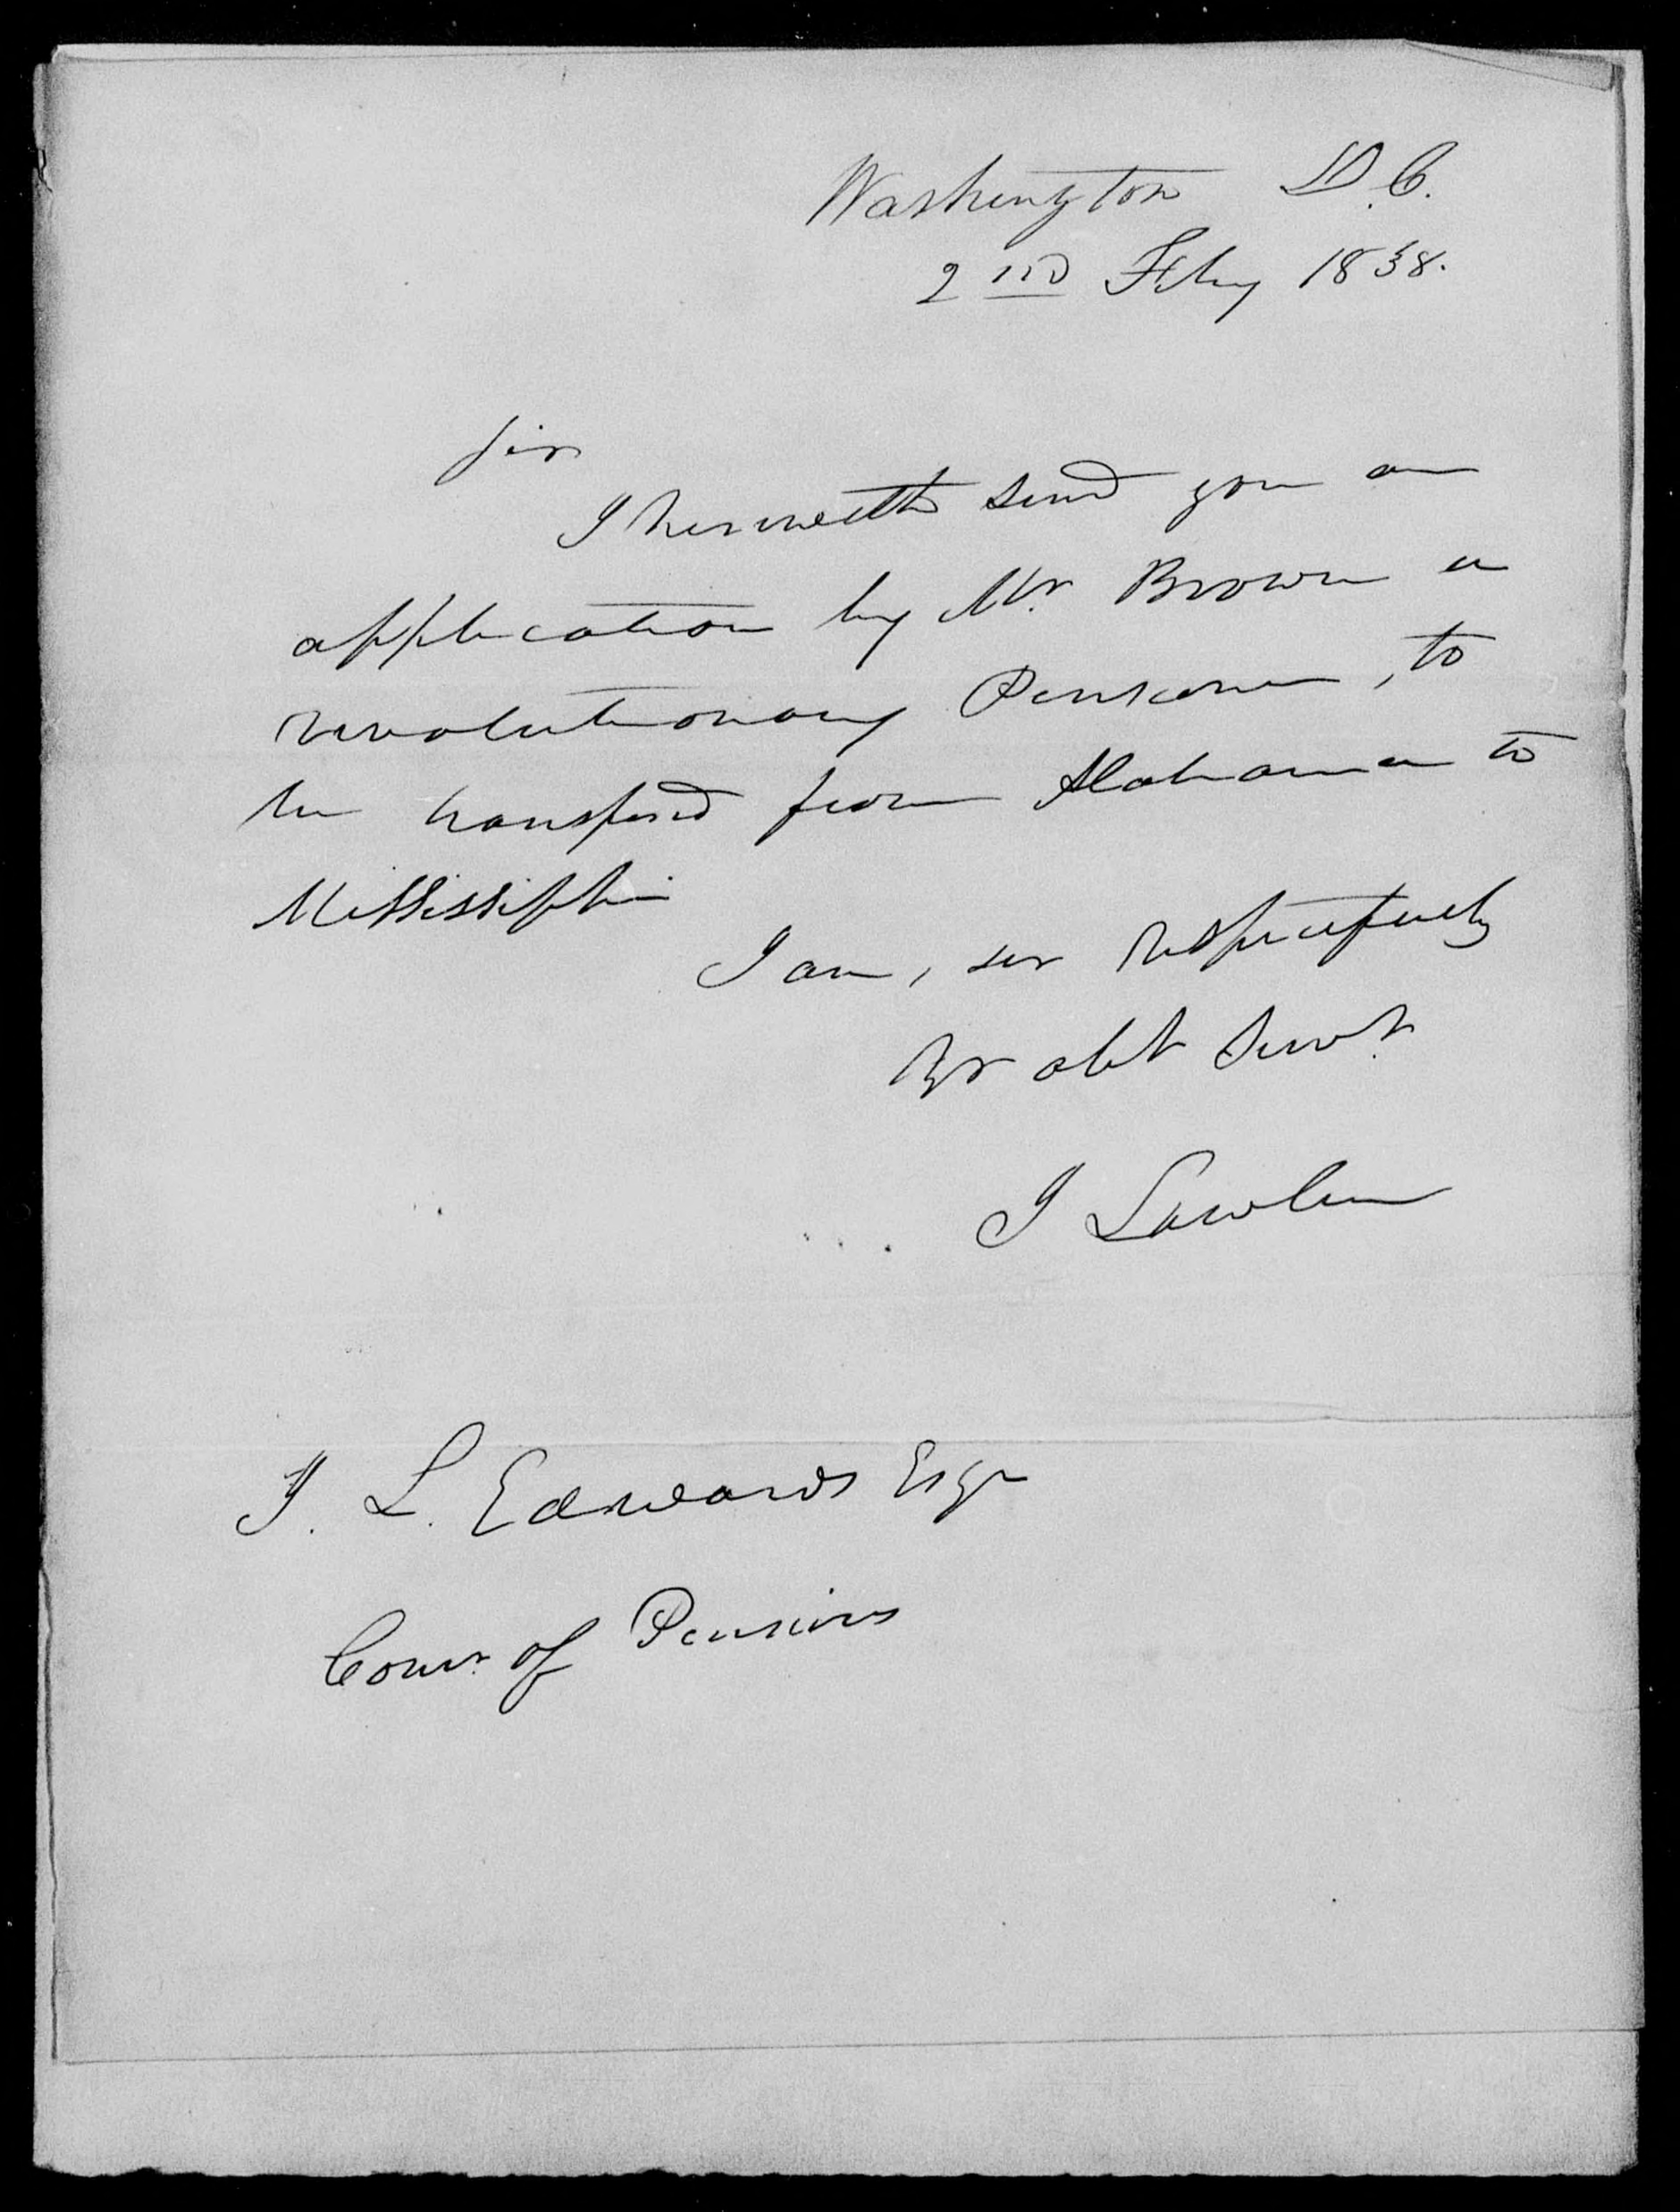Washington D.C.
2nd Febry 1838
Sir
I herewith send you an
application by Mr Brown a
revolutionary pensioner to
be transfered from Alabama to
Mississippi
I am, as respectfully
your able servant
J Lawler

J.L. Edwards Esq
Comm of Pensions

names: J L Edwards, Brown, J Lawler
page: 81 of 85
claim: widow's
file: W. 5,906, John Brown, S.C.